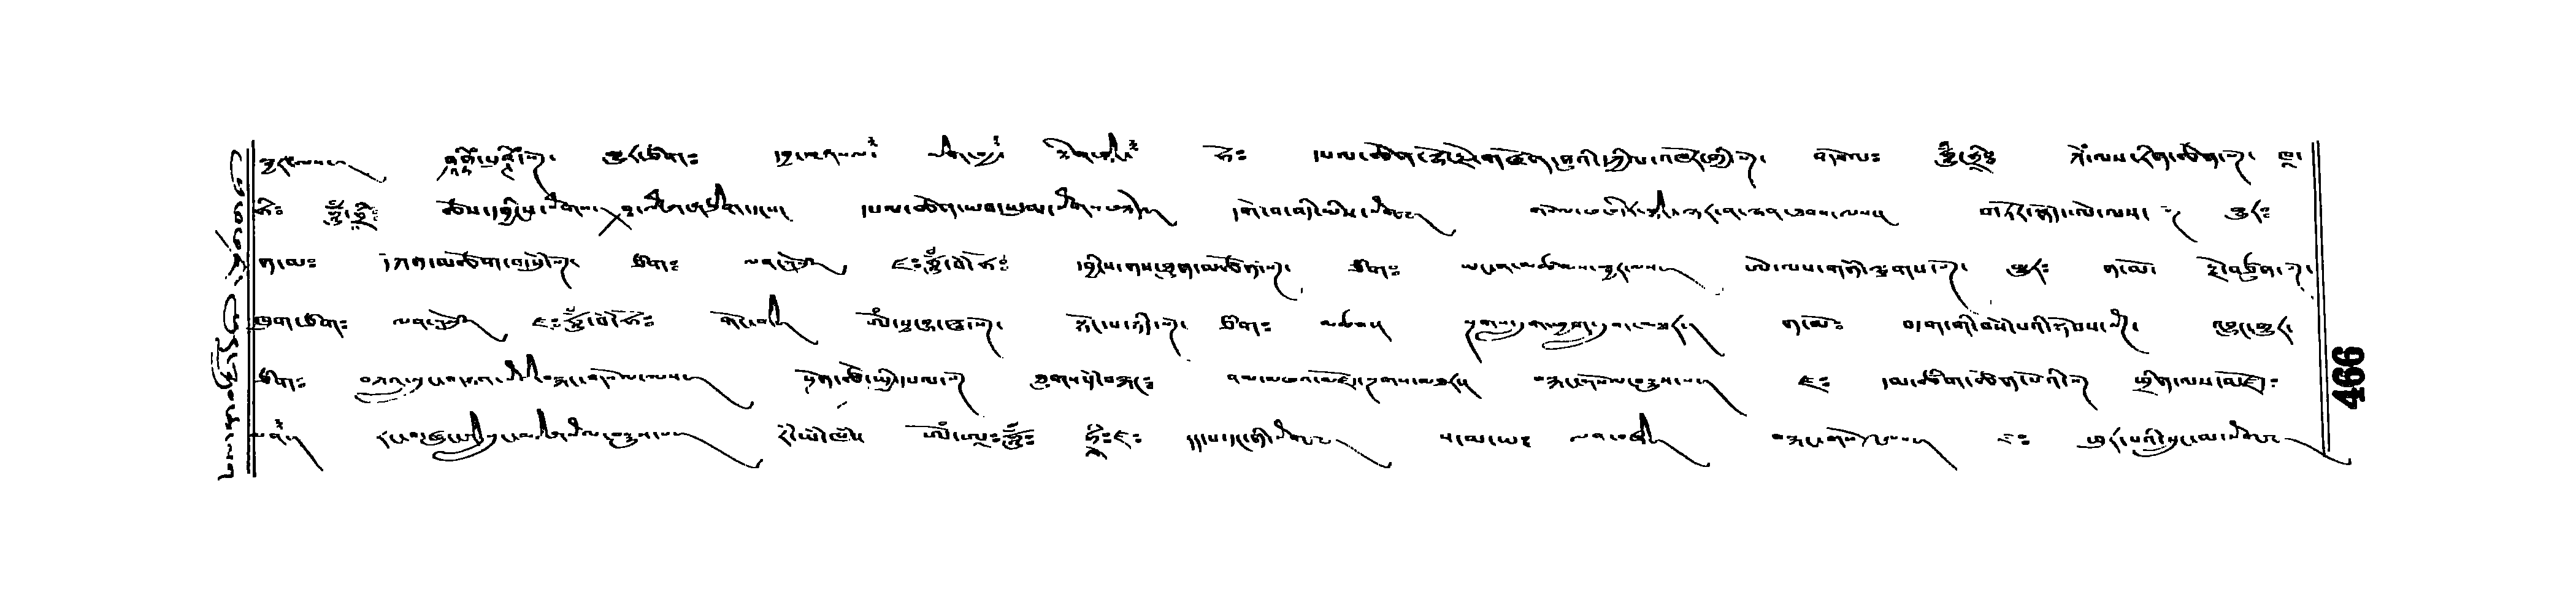ལས། ཤཱནྟིཾ་པུཥྚིཾ་སོགས། གྱུར་ཅིག༔ དབྱངས་གསལ་གསུམ། ཡིག་བརྒྱ་གསུམ། སྟེན་སྙིང་གསུམ། ཧོཿ དཔལ་ཆེན་རྡོ་རྗེ་གཞོན་ནུའི་དཀྱིལ་འཁོར་གྱི་སོགས། གསོལ༔ ཧཱུྃ་ཧྲཱིཿ ཀེཾ་ལས་རིན་ཆེན་སོགས། ཁཱ་
ཧིཿ ཧཱུྃ་ཧྲཱིཿ ཆོས་དབྱིངས་སོགས། ཤྭ་ལོ་ཀ་གཅིག་དངས། དཔལ་ཆེན་ཡབ་ཡུམ་སོགས་བཀོད། དགེ་བ་འདི་ཡིས་སོགས། གསོལ་ཁ་བདེར་སྙིང་ལྟར་ན་ལྷན་ཐབས་ལས། གཏོར་སྣོད་ཨེ་ལས་སོགས། གྱུར༔ 
ན་མོ༔ དཀོན་མཆོག་གསུམ་སོགས། ཅིག༔ ལན་གསུམ། ཛཿཧཱུྃ་བཾ་ཧོཿ དབྱིངས་ནས་ཐུན་མཚོན་སོགས། ཅིག༔ ཡང་ན་མཚམས་སྦྱར་ལས། ཨེ་ལས་གནམ་ལྕགས་སོགས། རྒྱུར༔ ན་མོ༔ རྗེ་བཙུན་སོགས། 
ཁུག་ཅིག ལན་གསུམ། ཛཿཧཱུྃ་བཾ་ཧོཿ གོང་གི ཨོཾ་སྭ་བྷ་ཝ་སོགས། སྟོང་པ་ཉིད་སོགས། ཅིག༔ མཆན། སྔགས་དྲུག་ཕྱག་དྲུག་མཐར། ན་མོ༔ བདག་གི་བསམ་པའི་སྟོབས་སོགས། འབྱུང་གྱུར་
ཅིག༔ བཀའ་སྲུང་གཉག་པོའི་བསྐང་གསོལ་ལས། སྔོན་ཚེ་སྤྱི་དཔལ་སོགས། ཐུགས་དམ་བསྐངས༔ནམ་མཁའ་མཛོད་སྔགས་མཐར། བསྐང་གསོལ་བསྡུས་པ། ཛཿ དམ་ཚིག་ཆེན་པོའི་སོགས། ཕྲིན་ལས་མཛོད༔ 
ལན་གསུམ། རང་གཞུང་གི་སྲུང་མའི་གསོལ་ཀ་བསྡུས་པ། རྃ་ཡྃ་ཁྃ༔ ཨོཾ་ཨཱཿཧཱུྃ༔ ཧྲཱིཿཛཿ དད་པ་དང་ནི་སོགས།ས ས་མ་ཡཿ ལན་བཞི། བསྐང་གསོལ་ལས། ཛཿ ཕུར་པའི་སྲུང་མ་སོགས།